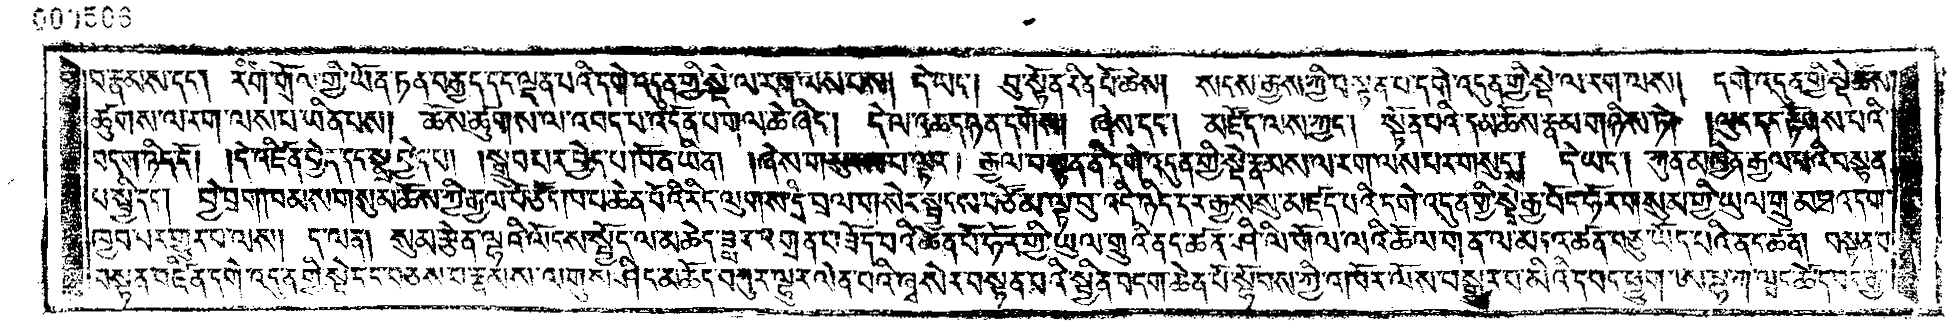པ་རྣམས་དང་། རིག་གྲོལ་གྱི་ཡོན་ཏན་བརྒྱད་དང་ལྡན་པའི་དགེ་འདུན་གྱི་སྡེ་ལ་རག་ལས་པས། དེ་ཡང་། བུ་སྟོན་རིན་པོ་ཆེས། སངས་རྒྱས་ཀྱི་བསྟན་པ་དགེ་འདུན་གྱི་སྡེ་ལ་རག་ལས། དགེ་འདུན་གྱི་སྡེ་ཆོས་
ཚུགས་ལ་རག་ལས་པ་ཡིན་པས། ཆོས་ཚུགས་ལ་འབད་པ་འདོན་པ་གལ་ཆེ་ཞིང་། དེ་ལ་འཆད་ཉན་དགོས། ཞེས་དང་། མཛོད་ལས་ཀྱང་། སྟོན་པའི་དམ་ཆོས་རྣམ་གཉིས་ཏེ། །ལུང་དང་རྟོགས་པའི་
བདག་ཉིད་དོ། །དེ་འཛིན་བྱེད་དང་སྨྲ་བྱེད་པ། །སྒྲུབ་པར་བྱེད་པ་ཁོ་ན་ཡིན། །ཞེས་གསུངས་པ་ལྟར་རྒྱལ་བསྟན་ནི་དགེ་འདུན་གྱི་སྡེ་རྣམས་ལ་རག་ལས་པར་གསུངས། དེ་ཡང་། ཀུན་མཁྱེན་རྒྱལ་བའི་བསྟན་
པ་སྤྱི་དང་། བྱེ་བྲག་ཁམས་གསུམ་ཆོས་ཀྱི་རྒྱལ་པོ་ཙོང་ཁ་པ་ཆེན་པོའི་རིང་ལུགས་དྲི་བྲལ་གསེར་སྦྱངས་བཙོ་མ་ལྟ་བུ་འདི་ཉིད་དར་རྒྱས་སུ་མཛད་པའི་དགེ་འདུན་གྱི་སྡེ་རྒྱ་བོང་ཧོར་གསུམ་གྱི་ཡུལ་གྲུ་མཐའ་དག་
ཁྱབ་པར་གྱུར་པ་ལས། ད་ལན། སུམ་རྩེན་ལྷའི་ལོངས་སྤྱོད་ལ་མཆེད་ཟླར་འགྲན་བཟོད་པའི་ཆེན་པོ་ཧོར་གྱི་ཡུལ་གྲུའི་ནང་ཚན་ཤི་ལི་གོལ་ལའི་ཆོལ་གན་ལ་མདའ་ཚན་བཅུ་ཡོད་པའི་ནང་ཚན། བསྟན་པ་
བསྟན་འཛིན་དགེ་འདུན་གྱི་སྡེ་དང་བཅས་པ་རྣམས་ལ་གུས་ཤིང་མཆོད་བཀུར་ལྷུར་ལེན་པའི་ཞྭ་སེར་བསྟན་པའི་སྦྱིན་བདག་ཆེན་པོ་སྟོབས་ཀྱི་འཁོར་ལོས་བསྒྱུར་བ་མིའི་དབང་ཕྱུག་ཨ་བྷ་ཀ་ཝང་ཚེ་དབང་རྒྱ་